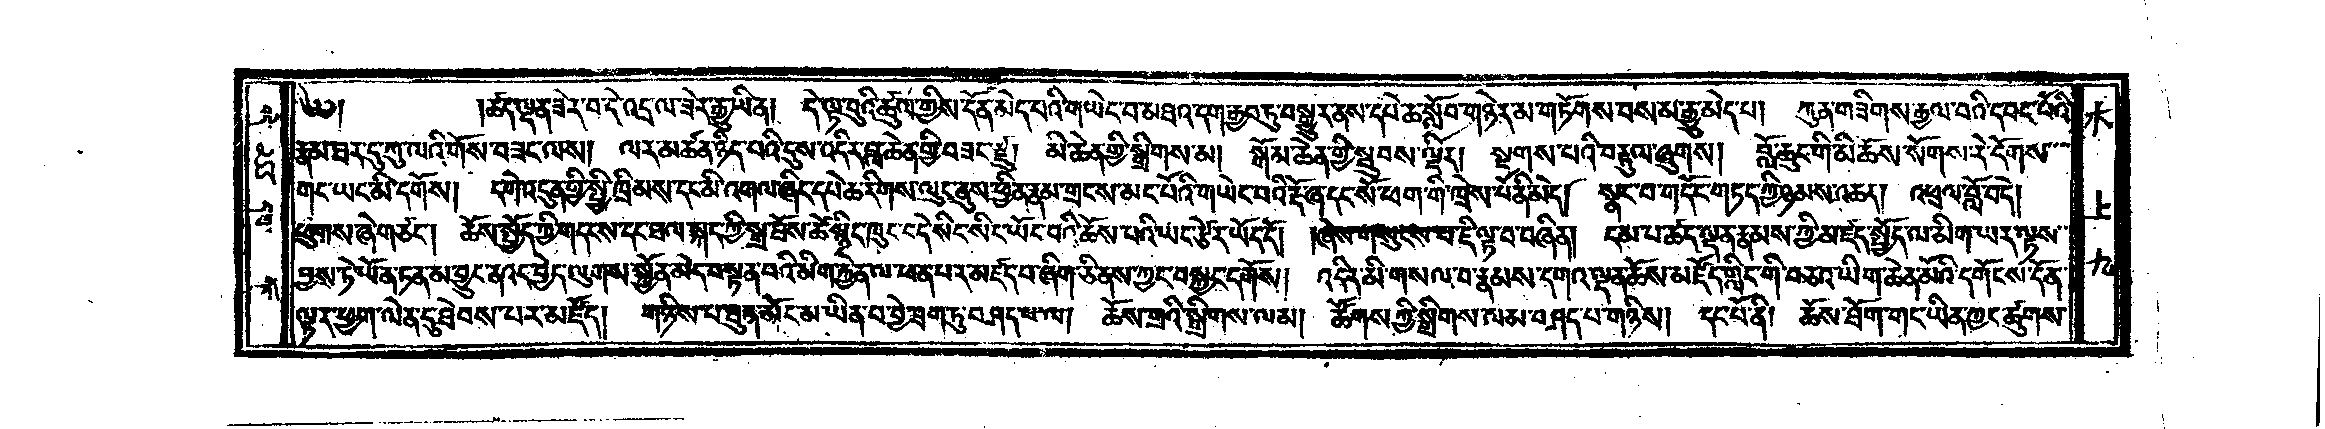༄༅། །ཚད་ལྡན་ཟེར་བ་དེ་འདྲ་ལ་ཟེར་རྒྱུ་ཡིན། དེ་ལྟ་བུའི་ཚུལ་གྱིས་དོན་མེད་པའི་གཡེང་བ་མཐའ་དག་རྒྱབ་ཏུ་བསྒྱུར་ནས་དཔེ་ཆ་སློབ་གཉེར་མ་གཏོགས་བསམ་རྒྱུ་མེད་པ། ཀུན་གཟིགས་རྒྱལ་བའི་དབང་པོའི་
རྣམ་ཐར་དུ་ཀུ་ལའི་གོས་བཟང་ལས། ལར་མཚན་ཉིད་པའི་དུས་འདིར་བླ་ཆེན་གྱི་བཟང་རྫུ། མི་ཆེན་གྱི་སྒྲིགས་མ། སྒོམ་ཆེན་གྱི་སྦུབས་ལྡིར། སྔགས་པའི་བརྟུལ་ཞུགས། བློ་ཆུང་གི་མི་ཆོས་སོགས་རེ་དོགས་
གང་ཡང་མི་དགོས། དགེ་འདུན་གྱི་སྤྱི་ཁྲིམས་དང་མི་འགལ་ཞིང་དཔེ་ཆ་རིགས་ལུང་ནུས་ཕྱིན་རྣམ་གྲངས་མང་པོའི་གཡེང་བའི་རྡོ་ཞ་དང་སོ་ཕག་གི་ཁྲེས་པོ་ནི་མེད། སྣང་བ་གདོང་གཏད་ཀྱི་ཉམས་འཆར། འཕྲལ་བློ་བདེ།
ཕུགས་ཞེ་གཙང་། ཆོས་སྤྱོད་ཀྱི་གདངས་དང་ཐལ་སྐད་ཀྱི་སྒྲ་ཐོས་ཚེ་སྙིང་ཁུང་བདེ་སིང་སིང་ཡོང་བའི་ཆོས་པའི་ཡང་རྩེར་ཡོད་དོ། །ཞེས་གསུངས་པ་ཇི་ལྟ་བ་བཞིན། དམ་པ་ཚད་ལྡན་རྣམས་གྱི་མཛད་སྤྱོད་ལ་མིག་ཡར་ལྟས་
བྱས་ཏེ་ཡོན་ཏན་མ་བྱུང་ནའང་བྱེད་ལུགས་སྐྱོན་མེད་བསྟན་པའི་མིག་རྐྱེན་ལ་ཕན་པར་མཛད་པ་ཞིག་ཅི་ནས་ཀྱང་བསྐྱང་དགོས། འདིར་མི་གསལ་བ་རྣམས་དགའ་ལྡན་ཆོས་མཛོད་གླིང་གི་བཅའ་ཡིག་ཆེན་མོའི་དགོངས་དོན་
ལྟར་ཕྱག་ལེན་དུ་ཐེབས་པར་མཛོད། གཉིས་པ་ཐུན་མོང་མ་ཡིན་པ་བྱེ་བྲག་ཏུ་བཤད་པ་ལ། ཆོས་གྲའི་སྒྲིགས་ལམ། ཚོགས་ཀྱི་སྒྲིགས་ལམ་བཤད་པ་གཉིས། དང་པོ་ནི། ཆོས་ཐོག་གང་ཡིན་ཀྱང་ཚུགས་